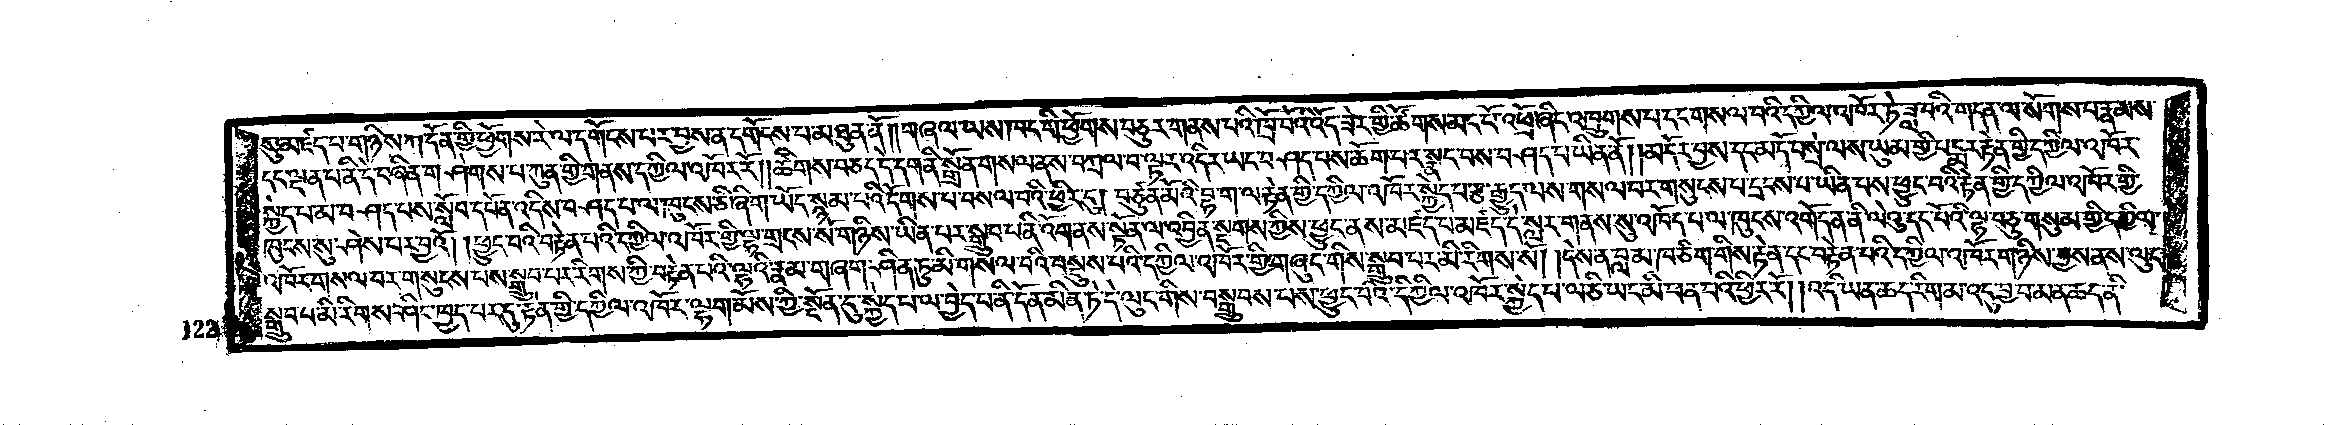སུ་མཛད་པ་གཉིས་ཀ་དོན་གྱི་ཕྱོགས་རེ་ལ་དགོངས་པར་བྱས་ན་དགོངས་པ་མཐུན་ནོ། །གཞལ་ཡས་ཁང་གི་ཕྱོགས་བཅུར་གནས་པའི་ཁྲོ་བོའི་འོད་ཟེར་གྱི་ཚོགས་མང་པོ་འཕྲོ་ཞིང་འཁྲུགས་པ་དང་གསལ་བའི་དཀྱིལ་འཁོར་ཏེ་ཟླ་བའི་གདན་ལ་སོགས་པ་རྣམས་
དང་ལྡན་པ་ནི་དེ་བཞིན་གཤེགས་པ་ཀུན་གྱི་གནས་དཀྱིལ་འཁོར་རོ། །ཚིགས་བཅད་དེ་དག་ནི་སྒྲོན་གསལ་ནས་བཀྲལ་བ་ལྟར་འདིར་ཡང་བཤད་པས་ཆོག་པར་སྣང་བས་བཤད་པ་ཡིན་ནོ། །མདོར་བྱས་དང་མདོ་བསྲེ་ལས་ཡུམ་གྱི་པདམར་རྟེན་གྱི་དཀྱིལ་འཁོར་
སྐྱེད་པ་མ་བཤད་པས་སློབ་དཔོན་འདིས་བཤད་པ་ལ་ཁུངས་ཅི་ཞིག་ཡོད་སྙམ་པའི་དོགས་པ་བསལ་བའི་ཕྱིར་དུ། བཙུན་མོའི་བྷ་ག་ལ་རྟེན་གྱི་དཀྱིལ་འཁོར་སྐྱེད་པ་རྩ་རྒྱུད་ལས་གསལ་བར་གསུངས་པ་དྲངས་པ་ཡིན་པས་ཕྱུང་བའི་རྟེན་གྱི་དཀྱིལ་འཁོར་གྱི་
ཁུངས་སུ་ཤེས་པར་བྱའོ། །ཕྱུང་བའི་བརྟེན་པའི་དཀྱིལ་འཁོར་གྱི་ལྷ་གྲངས་སོ་གཉིས་ཡིན་པར་སྒྲུབ་པ་ནི་འོག་ནས་སྟོན་ལ་འབྱིན་སྔགས་ཀྱིས་ཕྱུང་ནས་མཛད་པ་མཛད་དེ་སླར་གནས་སུ་འཁོད་པ་ལ་ཁུངས་འགོད་ན་ནི་ལེའུ་དང་པོའི་ལྷ་བཅུ་གསུམ་གྱི་དཀྱིལ་
འཁོར་གསལ་བར་གསུངས་པས་སྒྲུབ་པར་རིགས་ཀྱི་བརྟེན་པའི་ལྷའི་རྣམ་གཞག་ཤིན་ཏུ་མི་གསལ་བའི་བསྡུས་པའི་དཀྱིལ་འཁོར་གྱི་གཞུང་གིས་སྒྲུབ་པར་མི་རིགས་སོ། །དེས་ན་བླ་མ་ཁ་ཅིག་གིས་རྟེན་དང་བརྟེན་པའི་དཀྱིལ་འཁོར་གཉིས་བྱས་ནས་ལུང་
སྒྲུབ་པ་མི་རིགས་ཤིང་ཁྱད་པར་དུ་རྟེན་གྱི་དཀྱིལ་འཁོར་ལྷག་མོས་ཀྱི་སྔོན་དུ་སྐྱེད་པ་ལ་བྱེད་པ་ནི་དོན་མིན་ཏེ་དེ་ལུང་གིས་བསྒྲུབས་པས་ཕྱུང་བའི་དཀྱིལ་འཁོར་སྐྱེད་པ་ལ་ཅི་ཡང་མི་ཕན་པའི་ཕྱིར་རོ། །འདི་ཡན་ཆད་རིག་མ་འདུ་བྱ་བ་མན་ཆད་ནི་